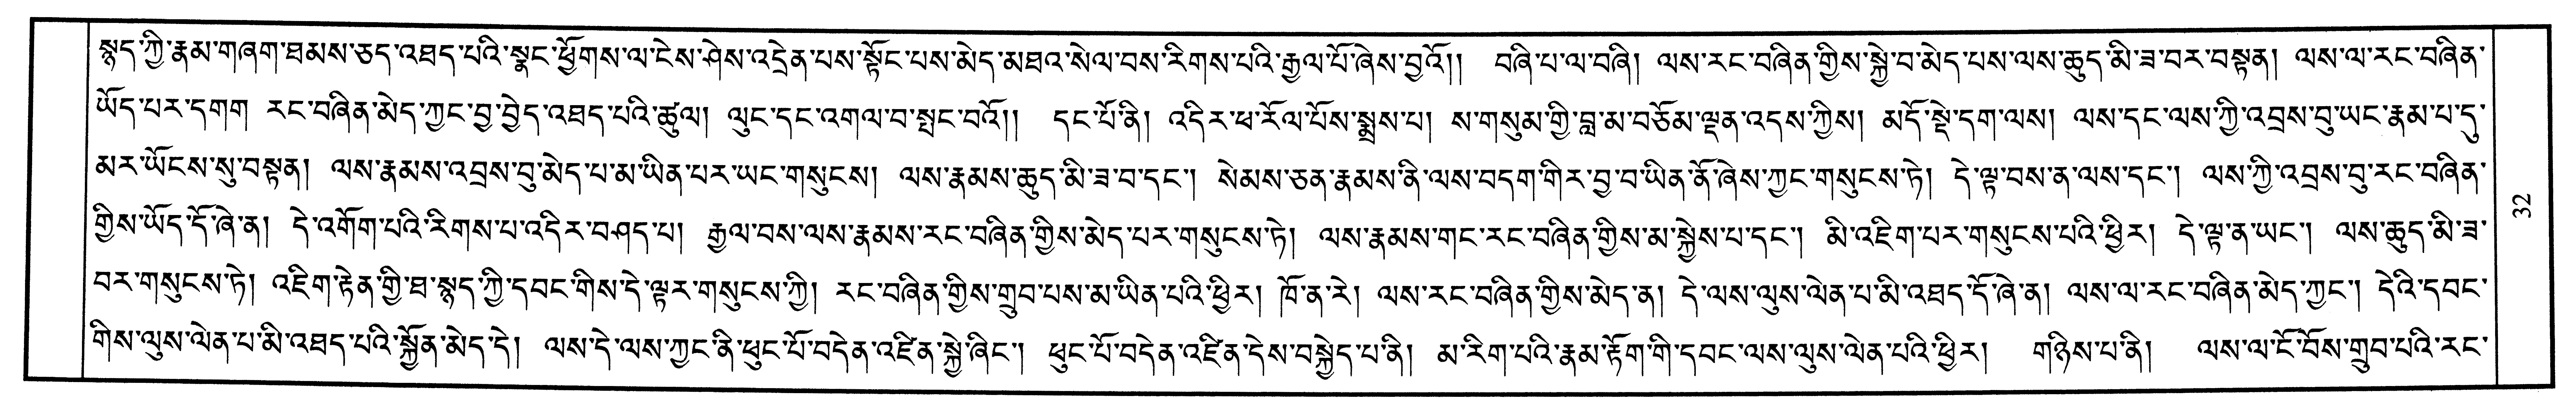སྙད་ཀྱི་རྣམ་གཞག་ཐམས་ཅད་འཐད་པའི་སྣང་ཕྱོགས་ལ་ངེས་ཤེས་འདྲེན་པས་སྟོང་པས་མེད་མཐའ་སེལ་བས་རིགས་པའི་རྒྱལ་པོ་ཞེས་བྱའོ། །བཞི་པ་ལ་བཞི། ལས་རང་བཞིན་གྱིས་སྐྱེ་བ་མེད་པས་ལས་ཆུད་མི་ཟ་བར་བསྟན། ལས་ལ་རང་བཞིན་
ཡོད་པར་དགག་རང་བཞིན་མེད་ཀྱང་བྱ་བྱེད་འཐད་པའི་ཚུལ། ལུང་དང་འགལ་བ་སྤང་བའོ། །དང་པོ་ནི། འདིར་ཕ་རོལ་པོས་སྨྲས་པ། ས་གསུམ་གྱི་བླ་མ་བཅོམ་ལྡན་འདས་ཀྱིས། མདོ་སྡེ་དག་ལས། ལས་དང་ལས་ཀྱི་འབྲས་བུ་ཡང་རྣམ་པ་དུ་
མར་ཡོངས་སུ་བསྟན། ལས་རྣམས་འབྲས་བུ་མེད་པ་མ་ཡིན་པར་ཡང་གསུངས། ལས་རྣམས་ཆུད་མི་ཟ་བ་དང་། སེམས་ཅན་རྣམས་ནི་ལས་བདག་གིར་བྱ་བ་ཡིན་ནོ་ཞེས་ཀྱང་གསུངས་ཏེ། དེ་ལྟ་བས་ན་ལས་དང་། ལས་ཀྱི་འབྲས་བུ་རང་བཞིན་
གྱིས་ཡོད་དོ་ཞེ་ན། དེ་འགོག་པའི་རིགས་པ་འདིར་བཤད་པ། རྒྱལ་བས་ལས་རྣམས་རང་བཞིན་གྱིས་མེད་པར་གསུངས་ཏེ། ལས་རྣམས་གང་རང་བཞིན་གྱིས་མ་སྐྱེས་པ་དང་། མི་འཇིག་པར་གསུངས་པའི་ཕྱིར། དེ་ལྟ་ན་ཡང་། ལས་ཆུད་མི་ཟ་
བར་གསུངས་ཏེ། འཇིག་རྟེན་གྱི་ཐ་སྙད་ཀྱི་དབང་གིས་དེ་ལྟར་གསུངས་ཀྱི། རང་བཞིན་གྱིས་གྲུབ་པས་མ་ཡིན་པའི་ཕྱིར། ཁོ་ན་རེ། ལས་རང་བཞིན་གྱིས་མེད་ན། དེ་ལས་ལུས་ལེན་པ་མི་འཐད་དོ་ཞེ་ན། ལས་ལ་རང་བཞིན་མེད་ཀྱང་། དེའི་དབང་
གིས་ལུས་ལེན་པ་མི་འཐད་པའི་སྐྱོན་མེད་དེ། ལས་དེ་ལས་ཀྱང་ནི་ཕུང་པོ་བདེན་འཛིན་སྐྱེ་ཞིང་། ཕུང་པོ་བདེན་འཛིན་དེས་བསྐྱེད་པ་ནི། མ་རིག་པའི་རྣམ་རྟོག་གི་དབང་ལས་ལུས་ལེན་པའི་ཕྱིར། གཉིས་པ་ནི། ལས་ལ་ངོ་བོས་གྲུབ་པའི་རང་